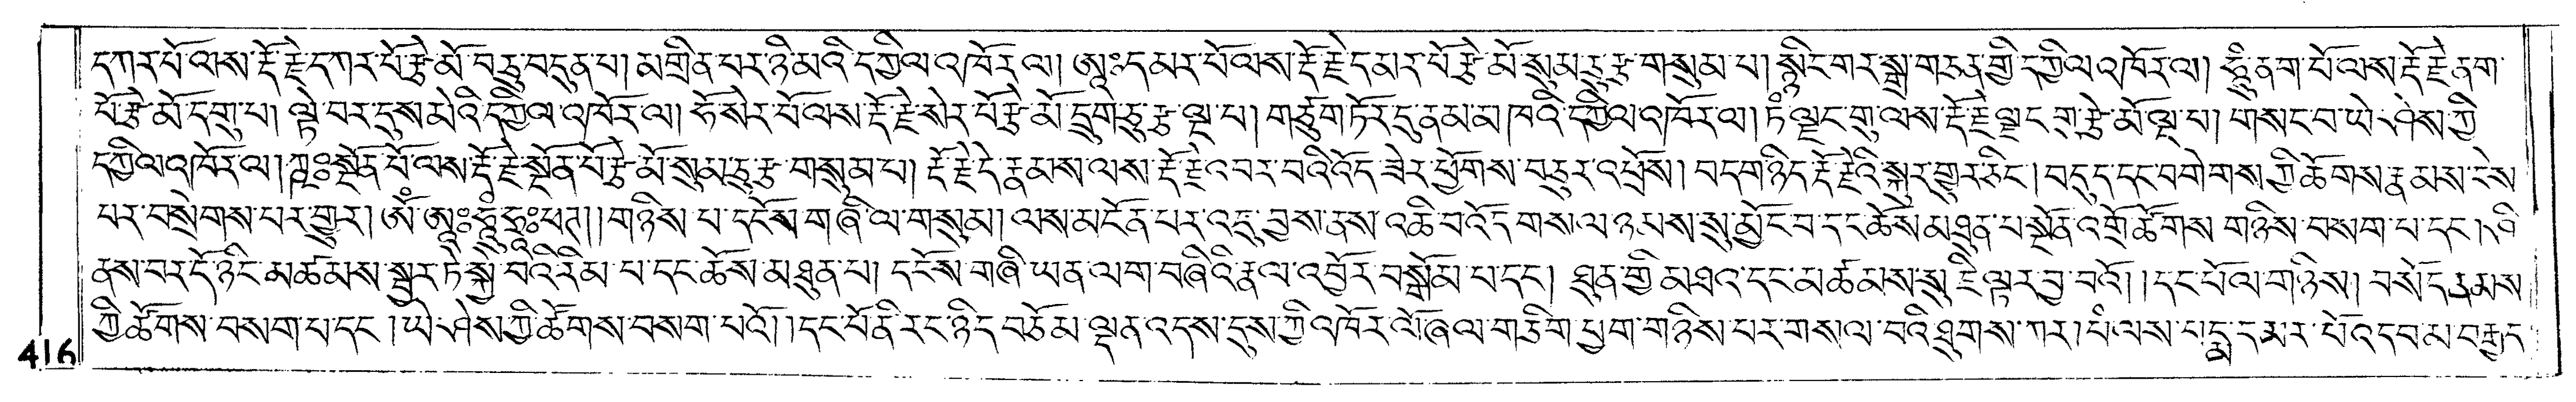དཀར་པོ་ལས་རྡོ་རྗེ་དཀར་པོ་རྩེ་མོ་བཅུ་བདུན་པ། མགྲིན་པར་ཉི་མའི་དཀྱིལ་འཁོར་ལ། ཨཱཿ དམར་པོ་ལས་རྡོ་རྗེ་དམར་པོ་རྩེ་མོ་སུམ་ཅུ་རྩ་གསུམ་པ། སྙིང་གར་སྒྲ་གཅན་གྱི་དཀྱིལ་འཁོར་ལ། ཧཱུཾ་ནག་པོ་ལས་རྡོ་རྗེ་ནག་
པོ་རྩེ་མོ་དགུ་པ། ལྟེ་བར་དུས་མེའི་དཀྱིལ་འཁོར་ལ། ཧོ་སེར་པོ་ལས་རྡོ་རྗེ་སེར་པོ་རྩེ་མོ་དྲུག་ཅུ་རྩ་ལྔ་པ། གཙུག་ཏོར་དུ་ནམ་མཁའི་དཀྱིལ་འཁོར་ལ། ཏཾ་ལྗང་གུ་ལས་རྡོ་རྗེ་ལྗང་གུ་རྩེ་མོ་ལྔ་པ། གསང་བ་ཡེ་ཤེས་ཀྱི་
དཀྱིལ་འཁོར་ལ། ཀྵཿ སྔོན་པོ་ལས་རྡོ་རྗེ་སྔོན་པོ་རྩེ་མོ་སུམ་ཅུ་རྩ་གསུམ་པ། རྡོ་རྗེ་དེ་རྣམས་ལས་རྡོ་རྗེ་འབར་བའི་འོད་ཟེར་ཕྱོགས་བཅུར་འཕྲོས། བདག་ཉིད་རྡོ་རྗེའི་སྐུར་གྱུར་ཅིང་། བདུད་དང་བགེགས་ཀྱི་ཆོགས་རྣམས་ངེས་
པར་བསྲེགས་པར་གྱུར། ཨོཾ་ཨཱཿ ཧཱུཾ་ཧྲཱཿ ཕཊ། །གཉིས་པ་དངོས་གཞི་ལ་གསུམ། ལས་མངོན་པར་འདུ་བྱས་ནས་འཆི་བ་འོད་གསལ་ཉམས་སུ་མྱོང་བ་དང་ཆོས་མཐུན་པ་སྔོན་འགྲོ་ཚོགས་གཉིས་བསག་པ་དང་། ཤི་
ནས་བར་དོ་ཉིང་མཚམས་སྦྱར་ཏེ་སྐྱེ་བའི་རིམ་པ་དང་ཆོས་མཐུན་པ། དངོས་གཞི་ཡན་ལག་བཞིའི་རྣལ་འབྱོར་བསྒོམ་པ་དང་། ཐུན་གྱི་མཐའ་དང་མཚམས་སུ་ཇི་ལྟར་བྱ་བའོ། །དང་པོ་ལ་གཉིས། བསོད་ནམས་
ཀྱི་ཚོགས་བསག་པ་དང་། ཡེ་ཤེས་ཀྱི་ཚོགས་བསག་པའོ། །དང་པོ་ནི་རང་ཉིད་བཅོམ་ལྡན་འདས་དུས་ཀྱི་འཁོར་ལོ་ཞལ་གཅིག་ཕྱག་གཉིས་པར་གསལ་བའི་ཐུགས་ཀར། པཾ་ལས་པདམ་དམར་པོ་འདབ་མ་བརྒྱད་